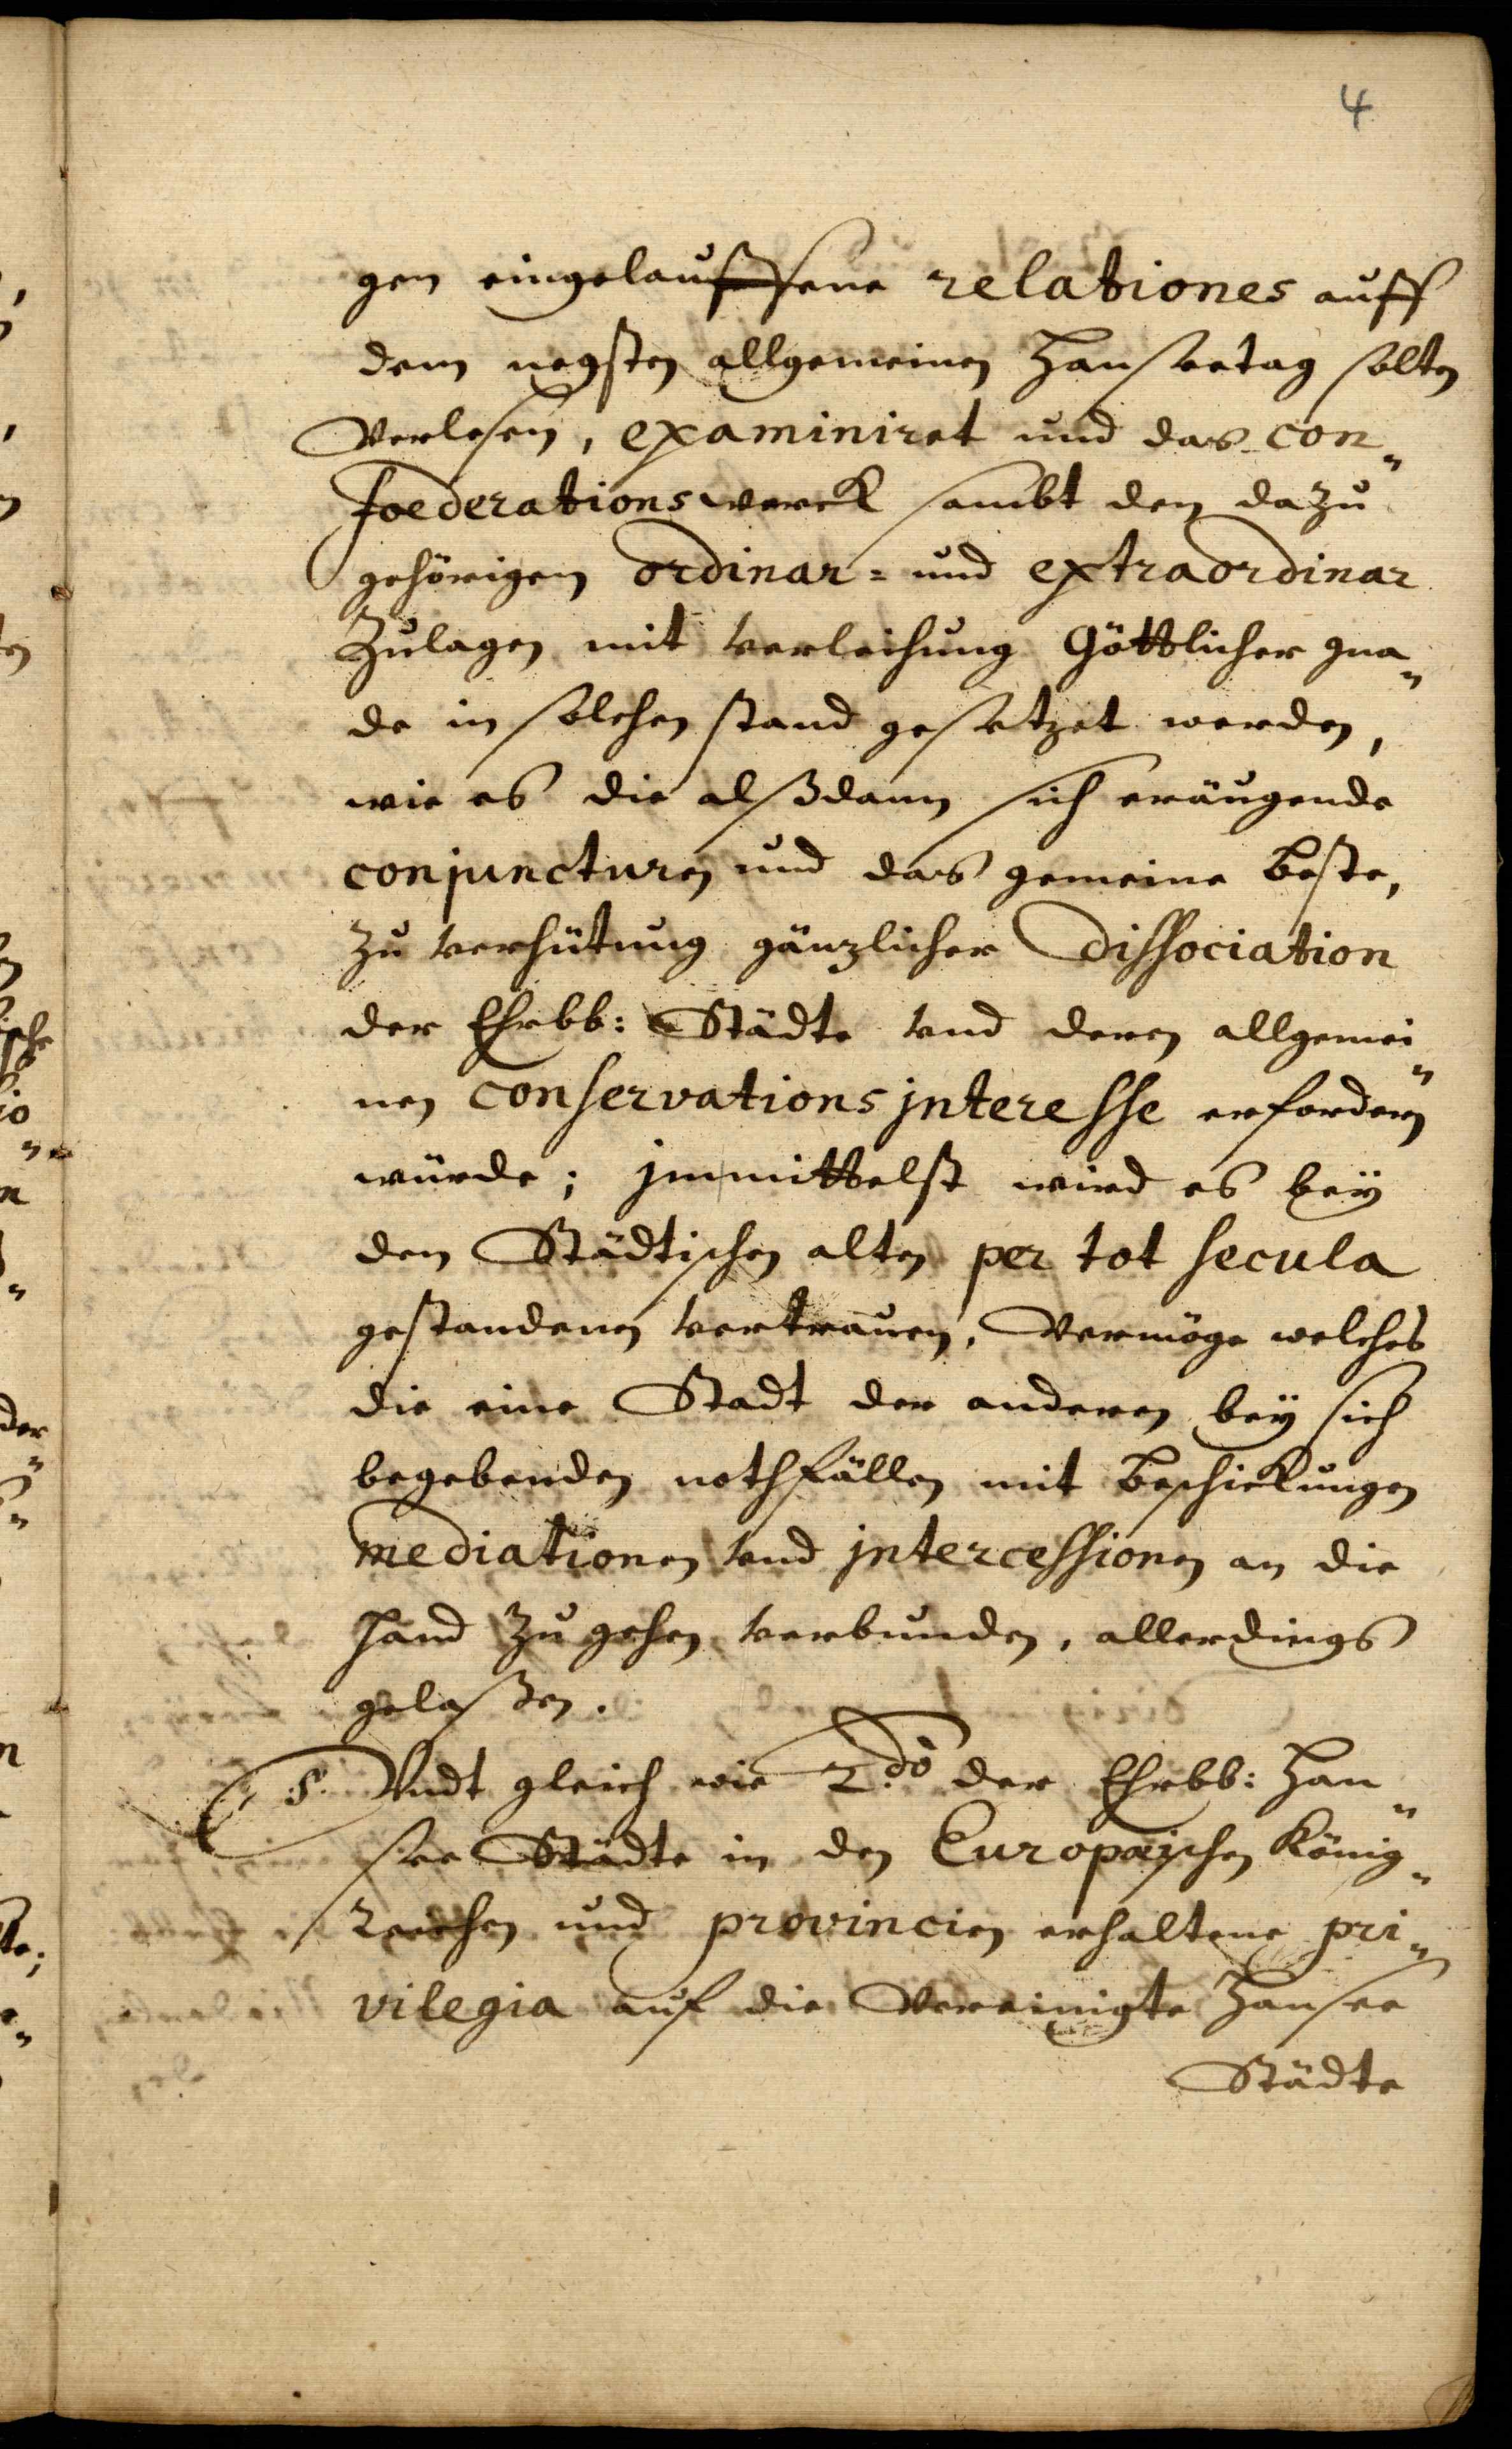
gen eingelauffene relationes auff
dem negsten allgemeinen Hanseetag solten
verlesen, examiniret und das con¬
foederations werck sambt den dazu
gehörigen ordinar= und extrordinar
zulagen mit verleihung Göttlicher gna¬
de in solchen stand gesetzet werden,
wie es die alßdann sich eräugende
conjuncturen und das gemeine Beste,
zu verhütung gänzlicher dissociation
der Ehrbb: Städte vnd deren allgemei¬
nen conservations jnteresse erfordern
würde; jmmittelst wird es beij
den Städtischen alten per tot secula
gestandenen vertrauen, vermöge welches
die eine Stadt der anderen beij sich
begebenden nothfällen mit Beschickungen
mediationen vnd intercessionen an die
Hand zu gehen verbunden, allerdings
gelaßen.
Vndt gleich wie 2.do der Ehrbb: Han¬
see Städte in den Europaeischen König¬
reichen und provincien erhaltene pri¬
vilegia auf die vereinigte Hansee
Städte
